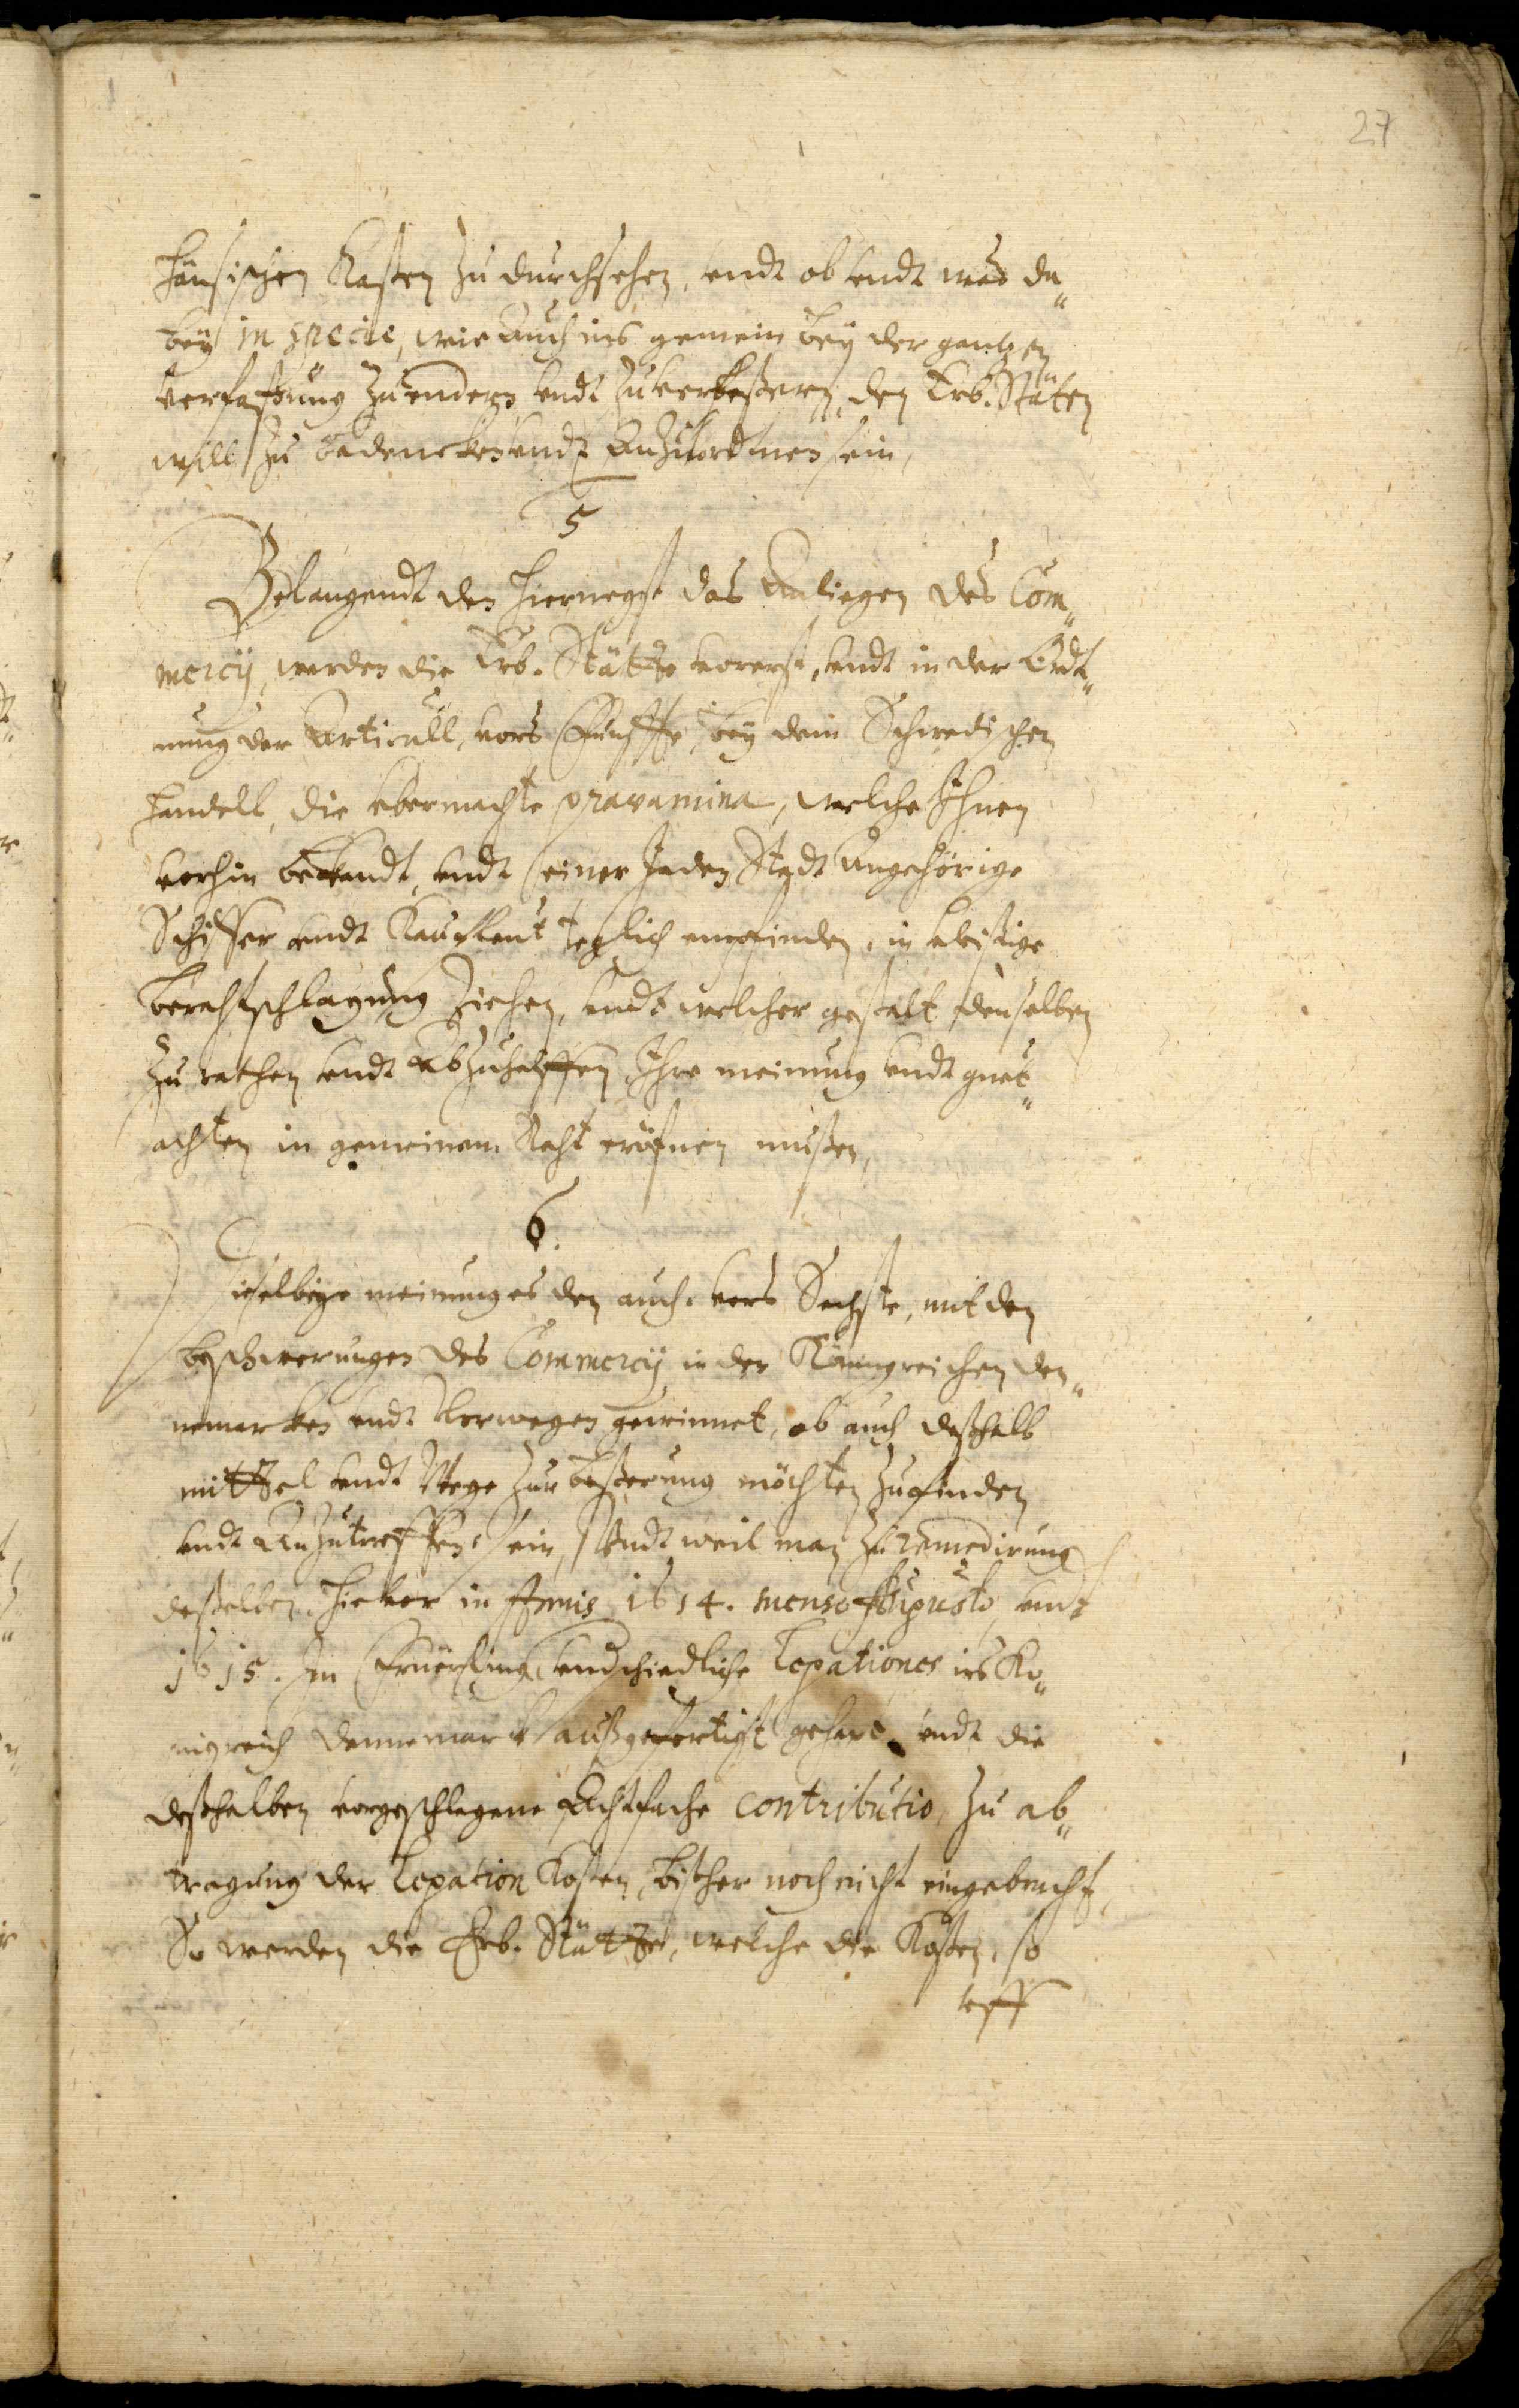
hänsischen Kasten zu durchsehen, vndt ob vndt was da¬
beij in specie, wie auch ins gemein beij der gantzen
verfaßung zu endern vndt zu verbeßern, den Erb. Stäten
will Zu bedencken vndt AnZuordtnen sein,
5
Belangendt den hiernegst das Anliegen des Com¬
mercij, werden die Erb. Stätte vorerst, vndt in der Ordt¬
nung der articull, vors Funnfte beij dem Schwedischen
handell, die vbermachte gravamina, welche Ihnen
vorhin bekandt, vndt einer Ieden Stadt angehörige
Schiffer vndt Kaufleut teglich empfinden, in vleißige
berahtschlagung Ziehen, vndt welcher gestalt den selben
Zu rathen vndt AbZuhelffen, Ihre meinung vndt guet¬
achten in gemeinen Raht eröfnen mußen,
6.
dieselbige meinung es den auch vors Sechste, mit den
Beschwerungen des Commercij in den Königreichen den¬
nemarken vndt Norwegen gewinnet, ob auch deßhalb
mittel vndt Wege Zur beßerung möchten Zufinden
vndt AnZutreffen sein, vndt weil man Zu remedirung
deßelben hievor in Annis i614. menso Augusto, vndt
i6i5. In Fruerling, vndschiedliche Legationes ins Ko¬
nigreich dennemark außgefertigt gehapt vndt die
deßhalben vorgeschlagene achtfache contributio, zu ab¬
tragung der Legation Kosten, bißher noch nicht eingebracht,
So werden die Erb. Stätte, welche die Kosten, so
vff
